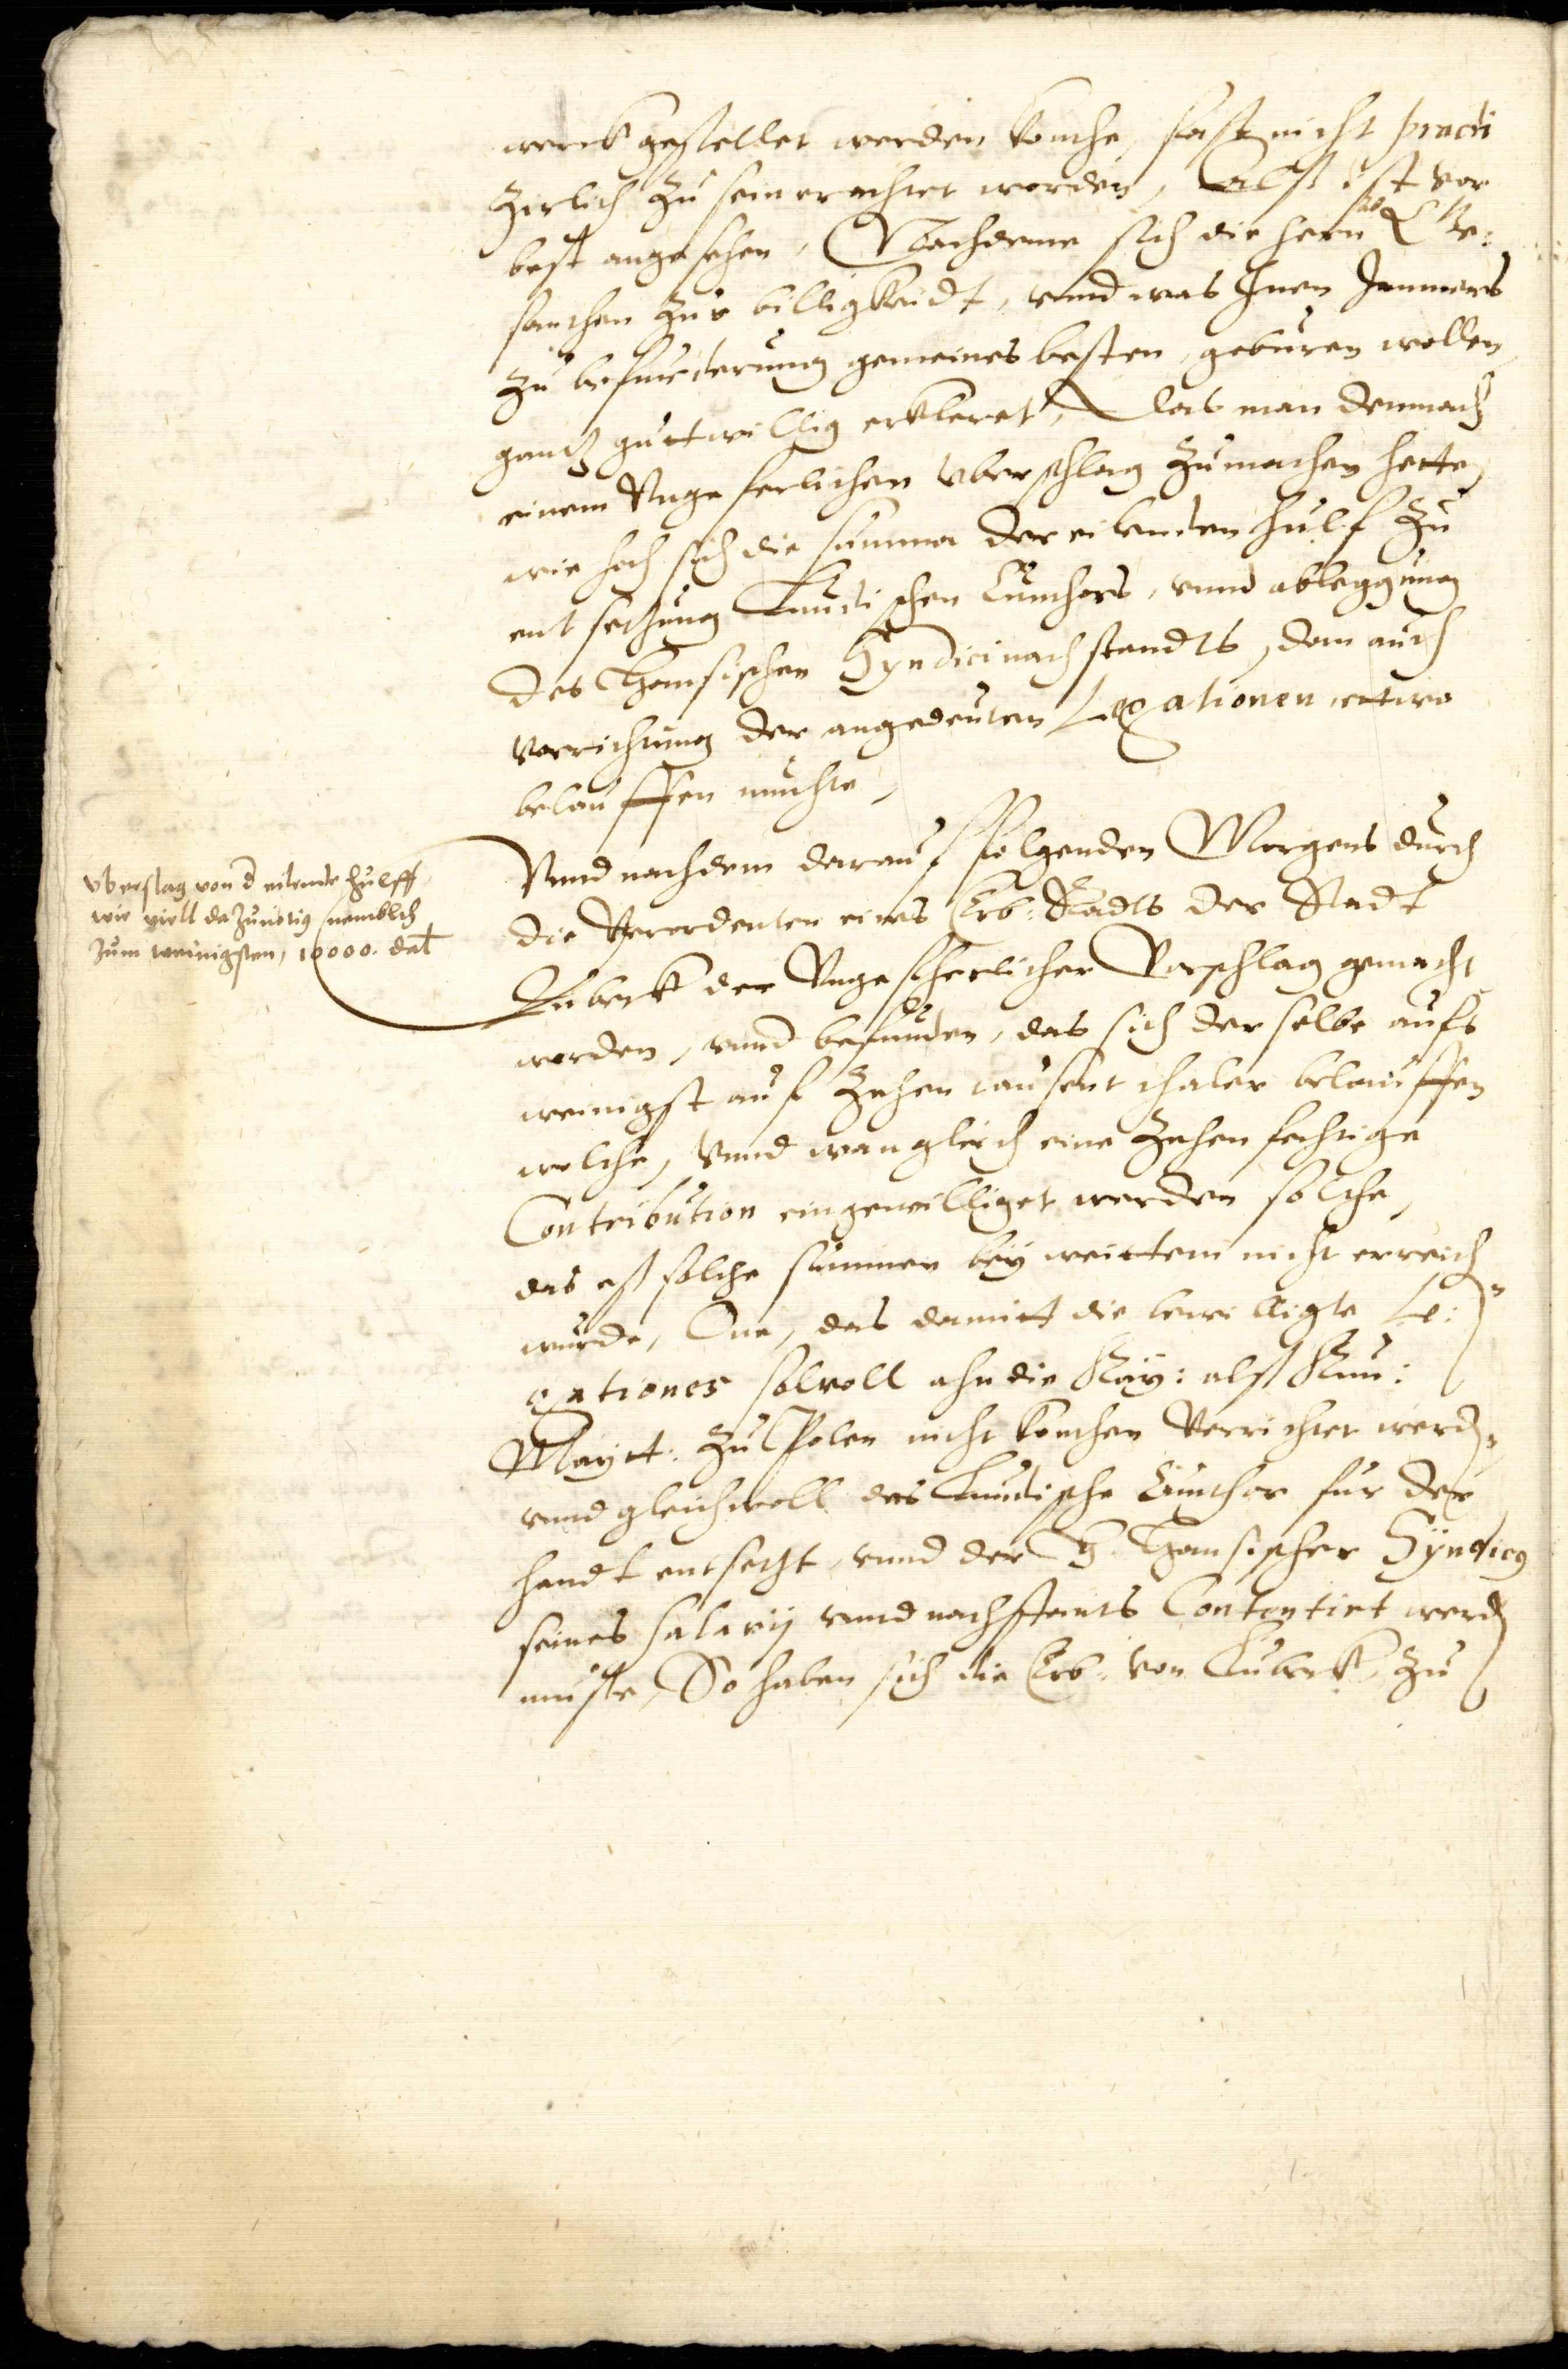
werk gestellet werden konthe, fast nicht practi
zirlich zu sein erachtet worden, Alß ist vor
best angesehen, Nachdem sich die hern ab Ge¬
santhen zur billigkeidt, vnnd was Jnen Jmmers
zu befurderug gemeines besten geburen wollen,
gantz guttwillig erkleret, Das man demnach
einem vngeferlichen vberschlag zu machen hette,
wie hoch sich die summa der eilenden hulf zu
entsetzung Lundischen Cunthors, vnnd ableggung
des hansischen Syndici nachstendts, dan auch
vorrichtung der angedeuten Legationen ettwa
belauffen muchte,
vberslag von der eilende hulff
wie viell da zu notig nemblich
zum weinigsten, 10000. daler
Vnnd nachdem darauffolgenden Morgens durch
die Verordenten eines Erb: Radts der Stadt
Lubeck der Vngefherlicher Vorschlag gemacht
worden, vnnd befunden, das sich derselbe aufs
weinigst auf zehen tausent thaler belauffen
wolthe, vnnd wangleich eine zehenfechtige
Contribution eingewilliget werden solthe,
das eß solche summen beij weittem nicht erreichen
wurde, One, das damitt die bewilligte Le¬
gationes solwoll ahn die Kaij: alß Kun:
Maijtt: zu Polen nicht konten verrichtet werden,
vnnd gleichwoll des Lundische Cunthor fur der
handt entsetzt, vnnd der H. Hansischer Sijndicus
seines salarij vnnd nachstants Contentirt werden
muste, So haben sich die Erb: von Lubeck, zu
